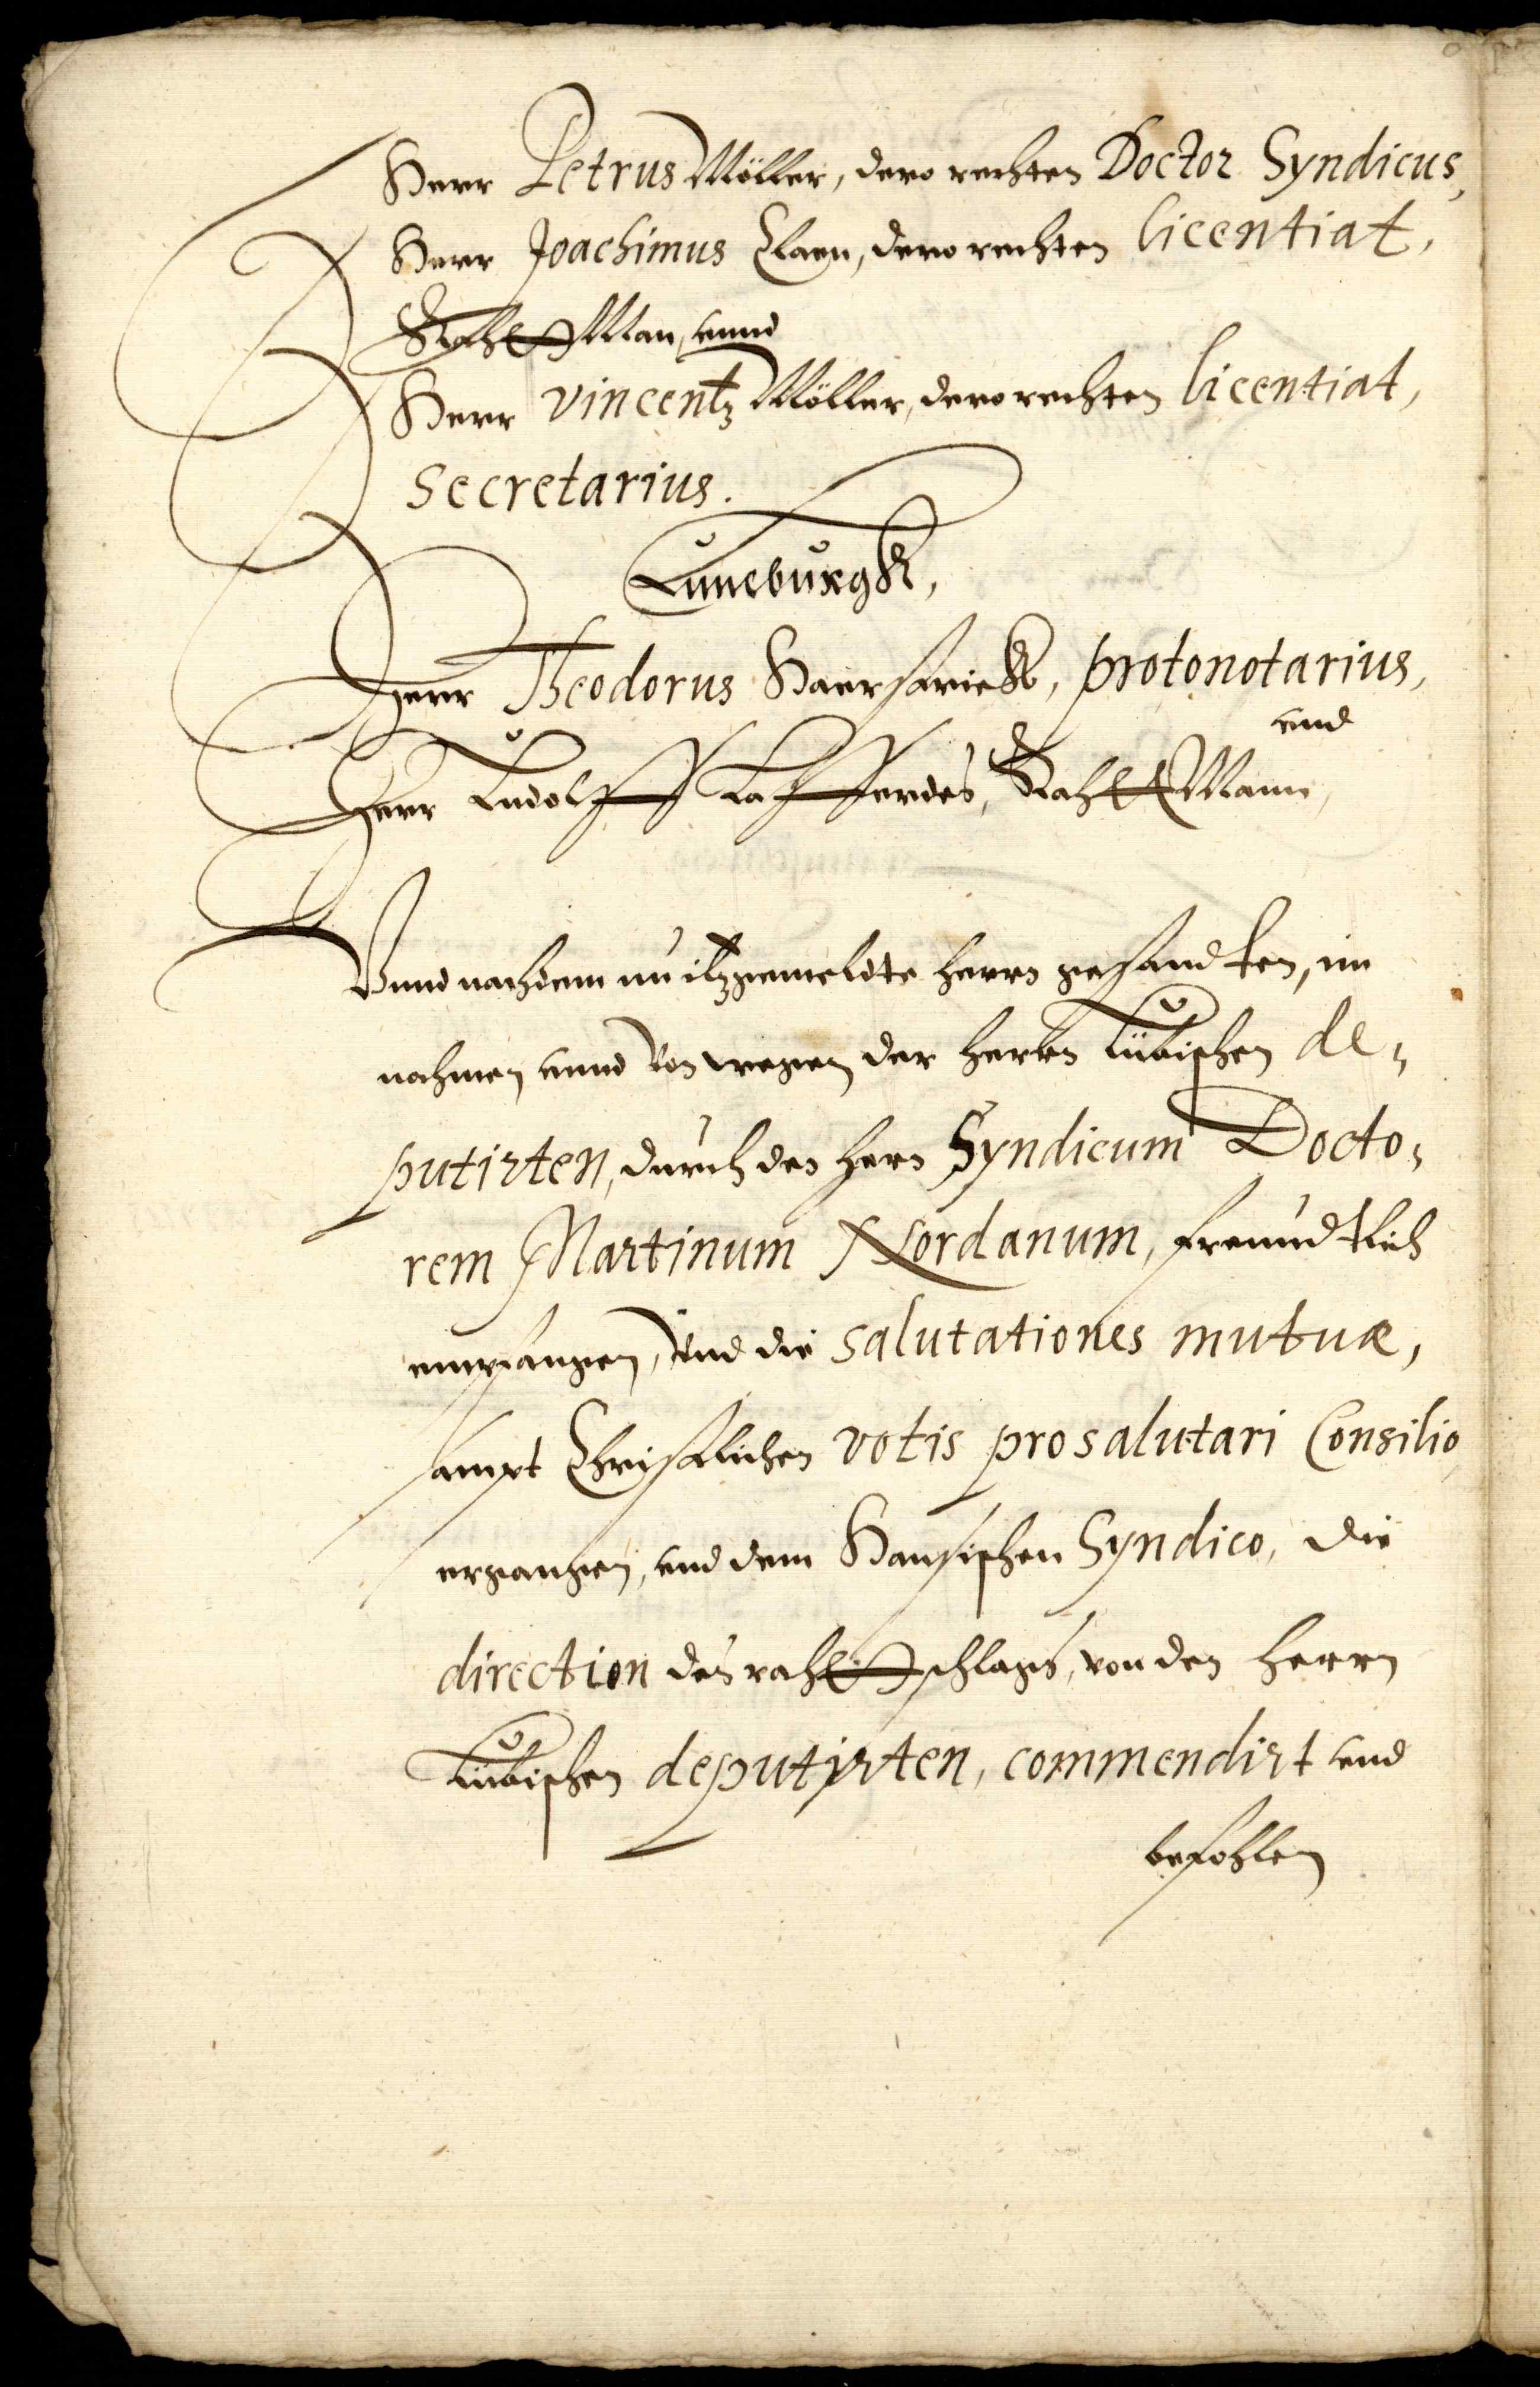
Herr Petrus Möller, dero rechten Doctor Syndicus,
Herr Joachimus Claen, dero rechten licentiat,
RahttMan vnnd
Herr Vincentz Möller, dero rechten licentiat ,
Secretarius.
Luneburgk,
Herr Theodorus Haerstrick, protonotarius ,
vnd
Herr Ludolff Lafferdes, RahttMann,
Vnnd nachdem nu itzgemeldte herrn gesandten, im
nahmen vnnd Von wegen der Herrn Lübischen de¬
putirten, durch den hern Syndicum Docto¬
rem Martinum Nordanum, freundtlich
empfangen, Vnd die salutationes mutuæ,
sampt Christlichen votis pro salutari Consilio
ergangen, vnd dem Hansischen Syndico, die
direction des rahttschlags, von den herrn
Lübischen deputirten, commendirt vnd
befohlen
